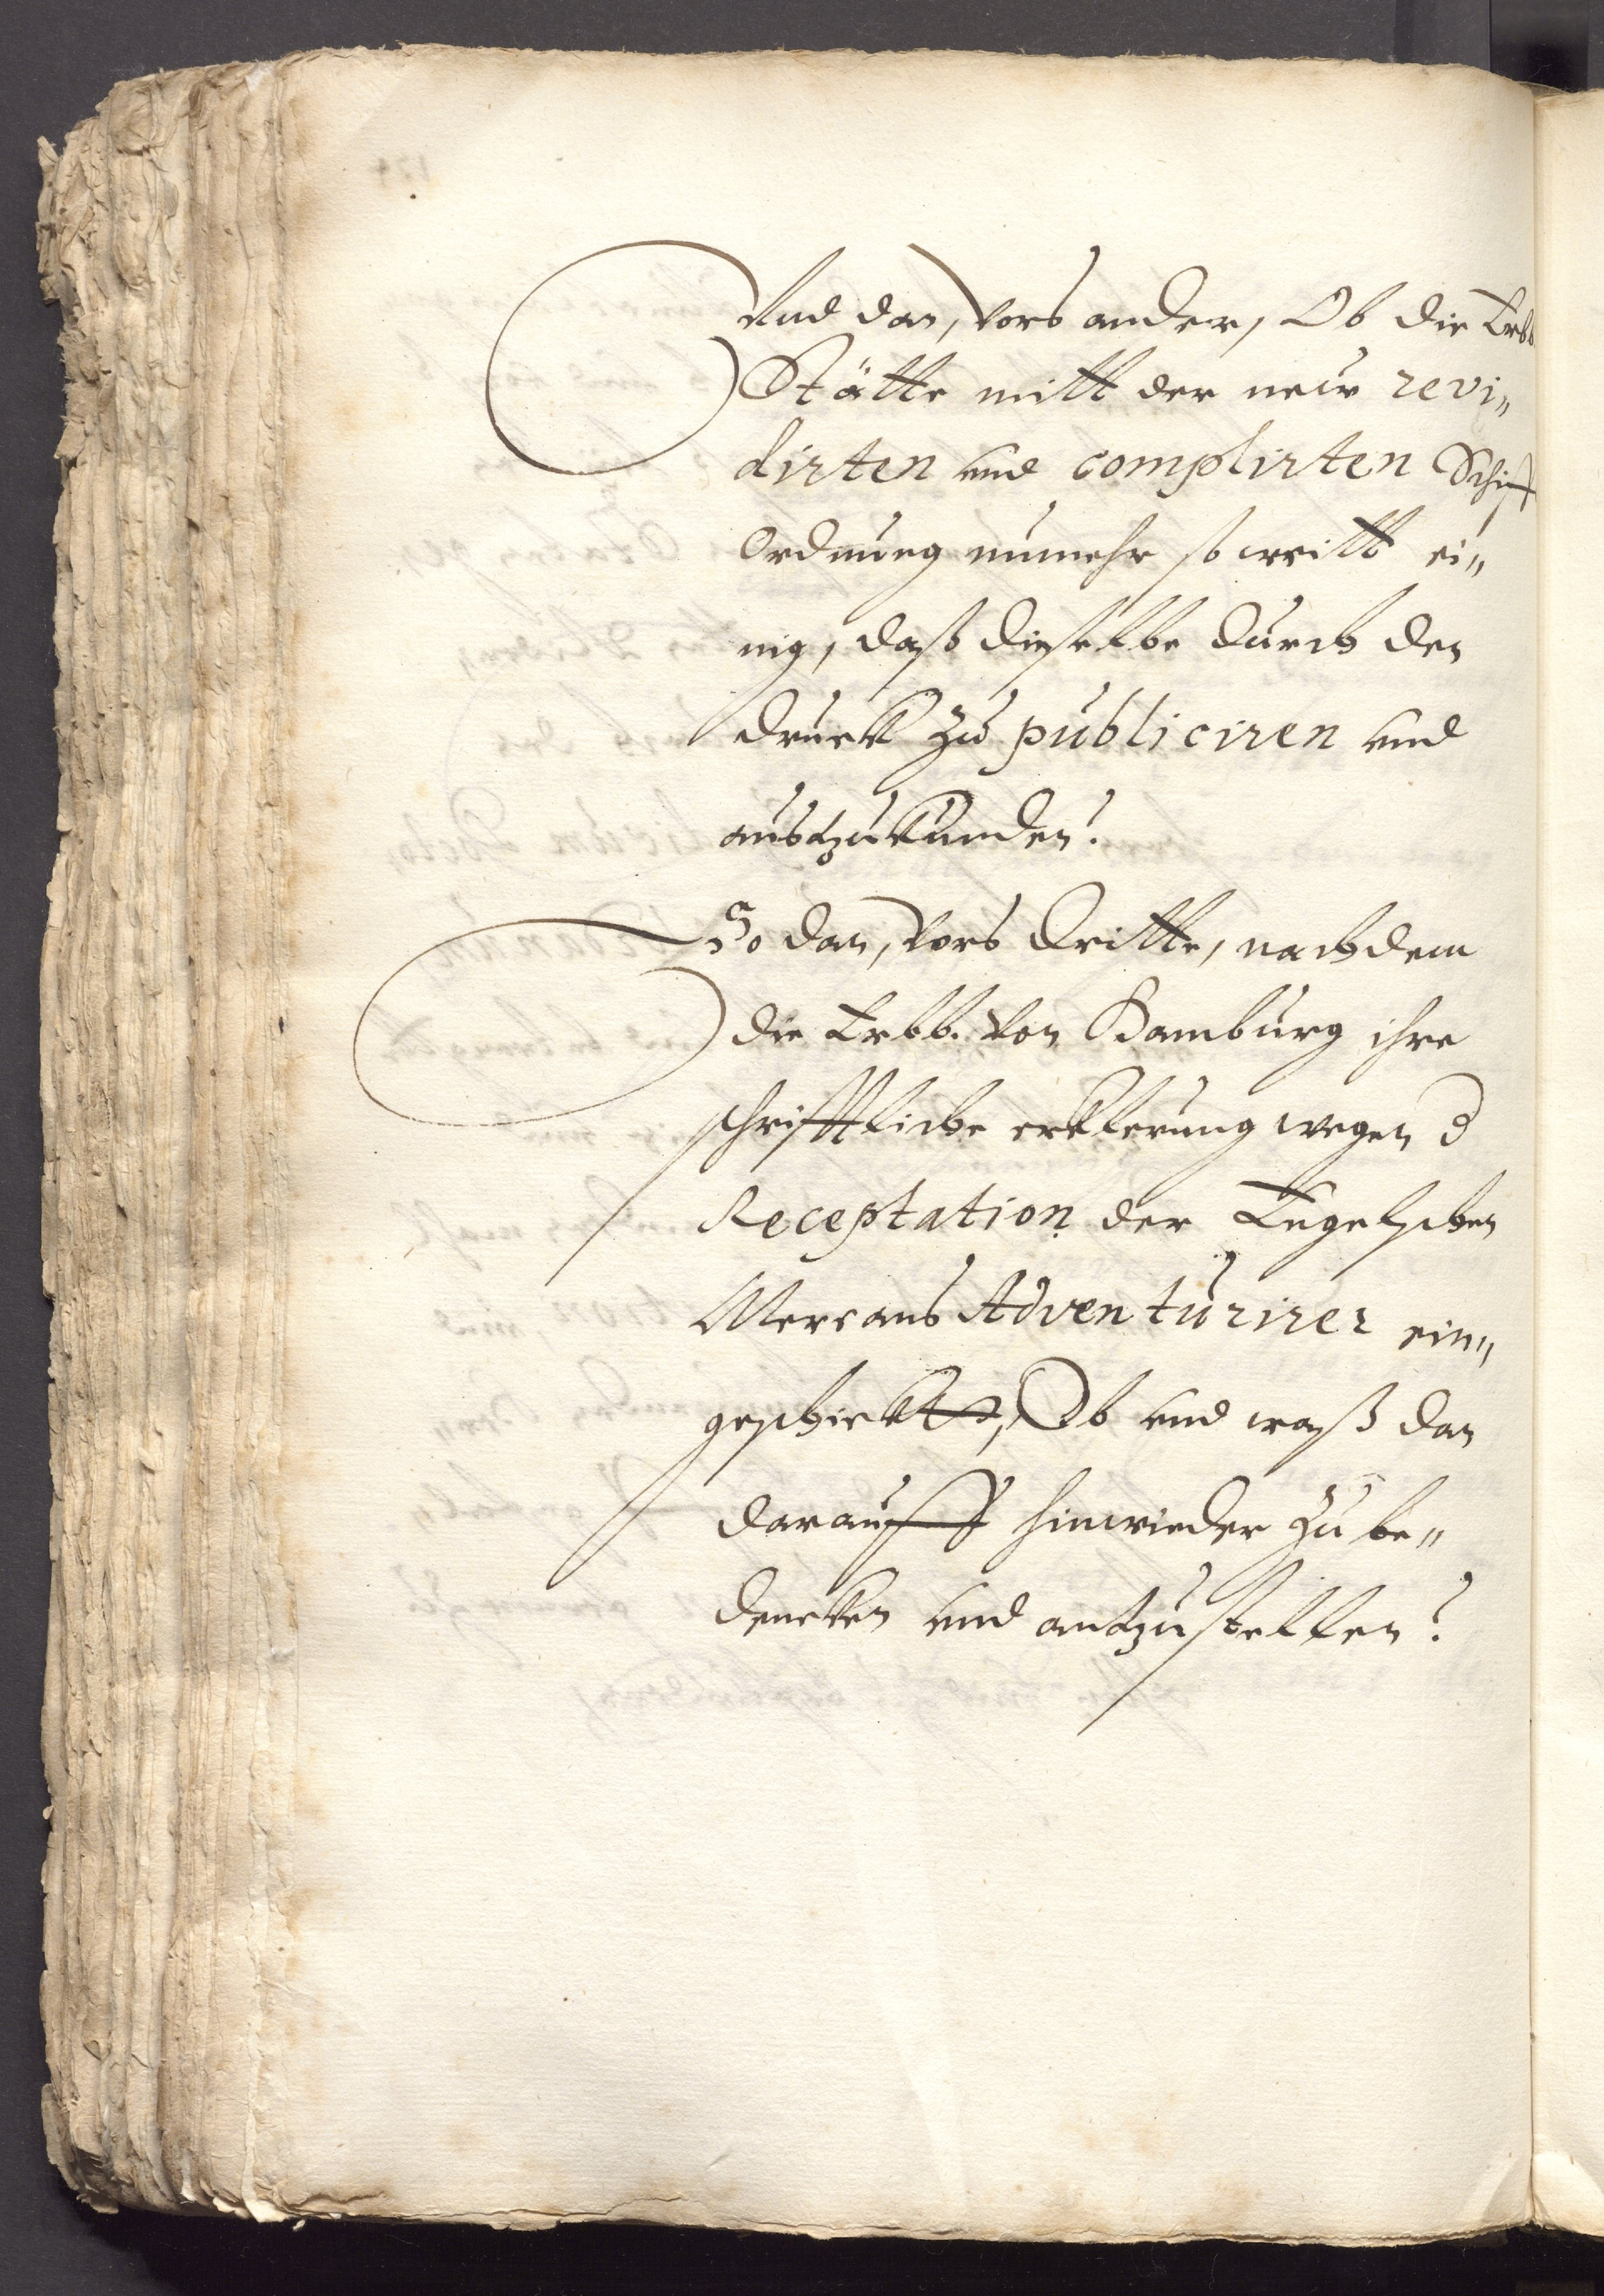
Vnd das, vors ander, Ob die Erbb.
Stätte mitt der new revi¬
dirten vnd complirten Schiff
ordnung numehr so weitt ei¬
nig, daß dieselbe durch des
druck zu publiciren vnd
austzukunden?
So dan, vors dritte, nachdem
die Erbb. von Hamburg ihre
schriftliche erklerung wegen der
Receptation der Engelschen
Merrans Adventurirer ein¬
geschicktt, Ob vnd waß dan
darauff hinwieder zu be¬
dencken vnd antzustellen?
